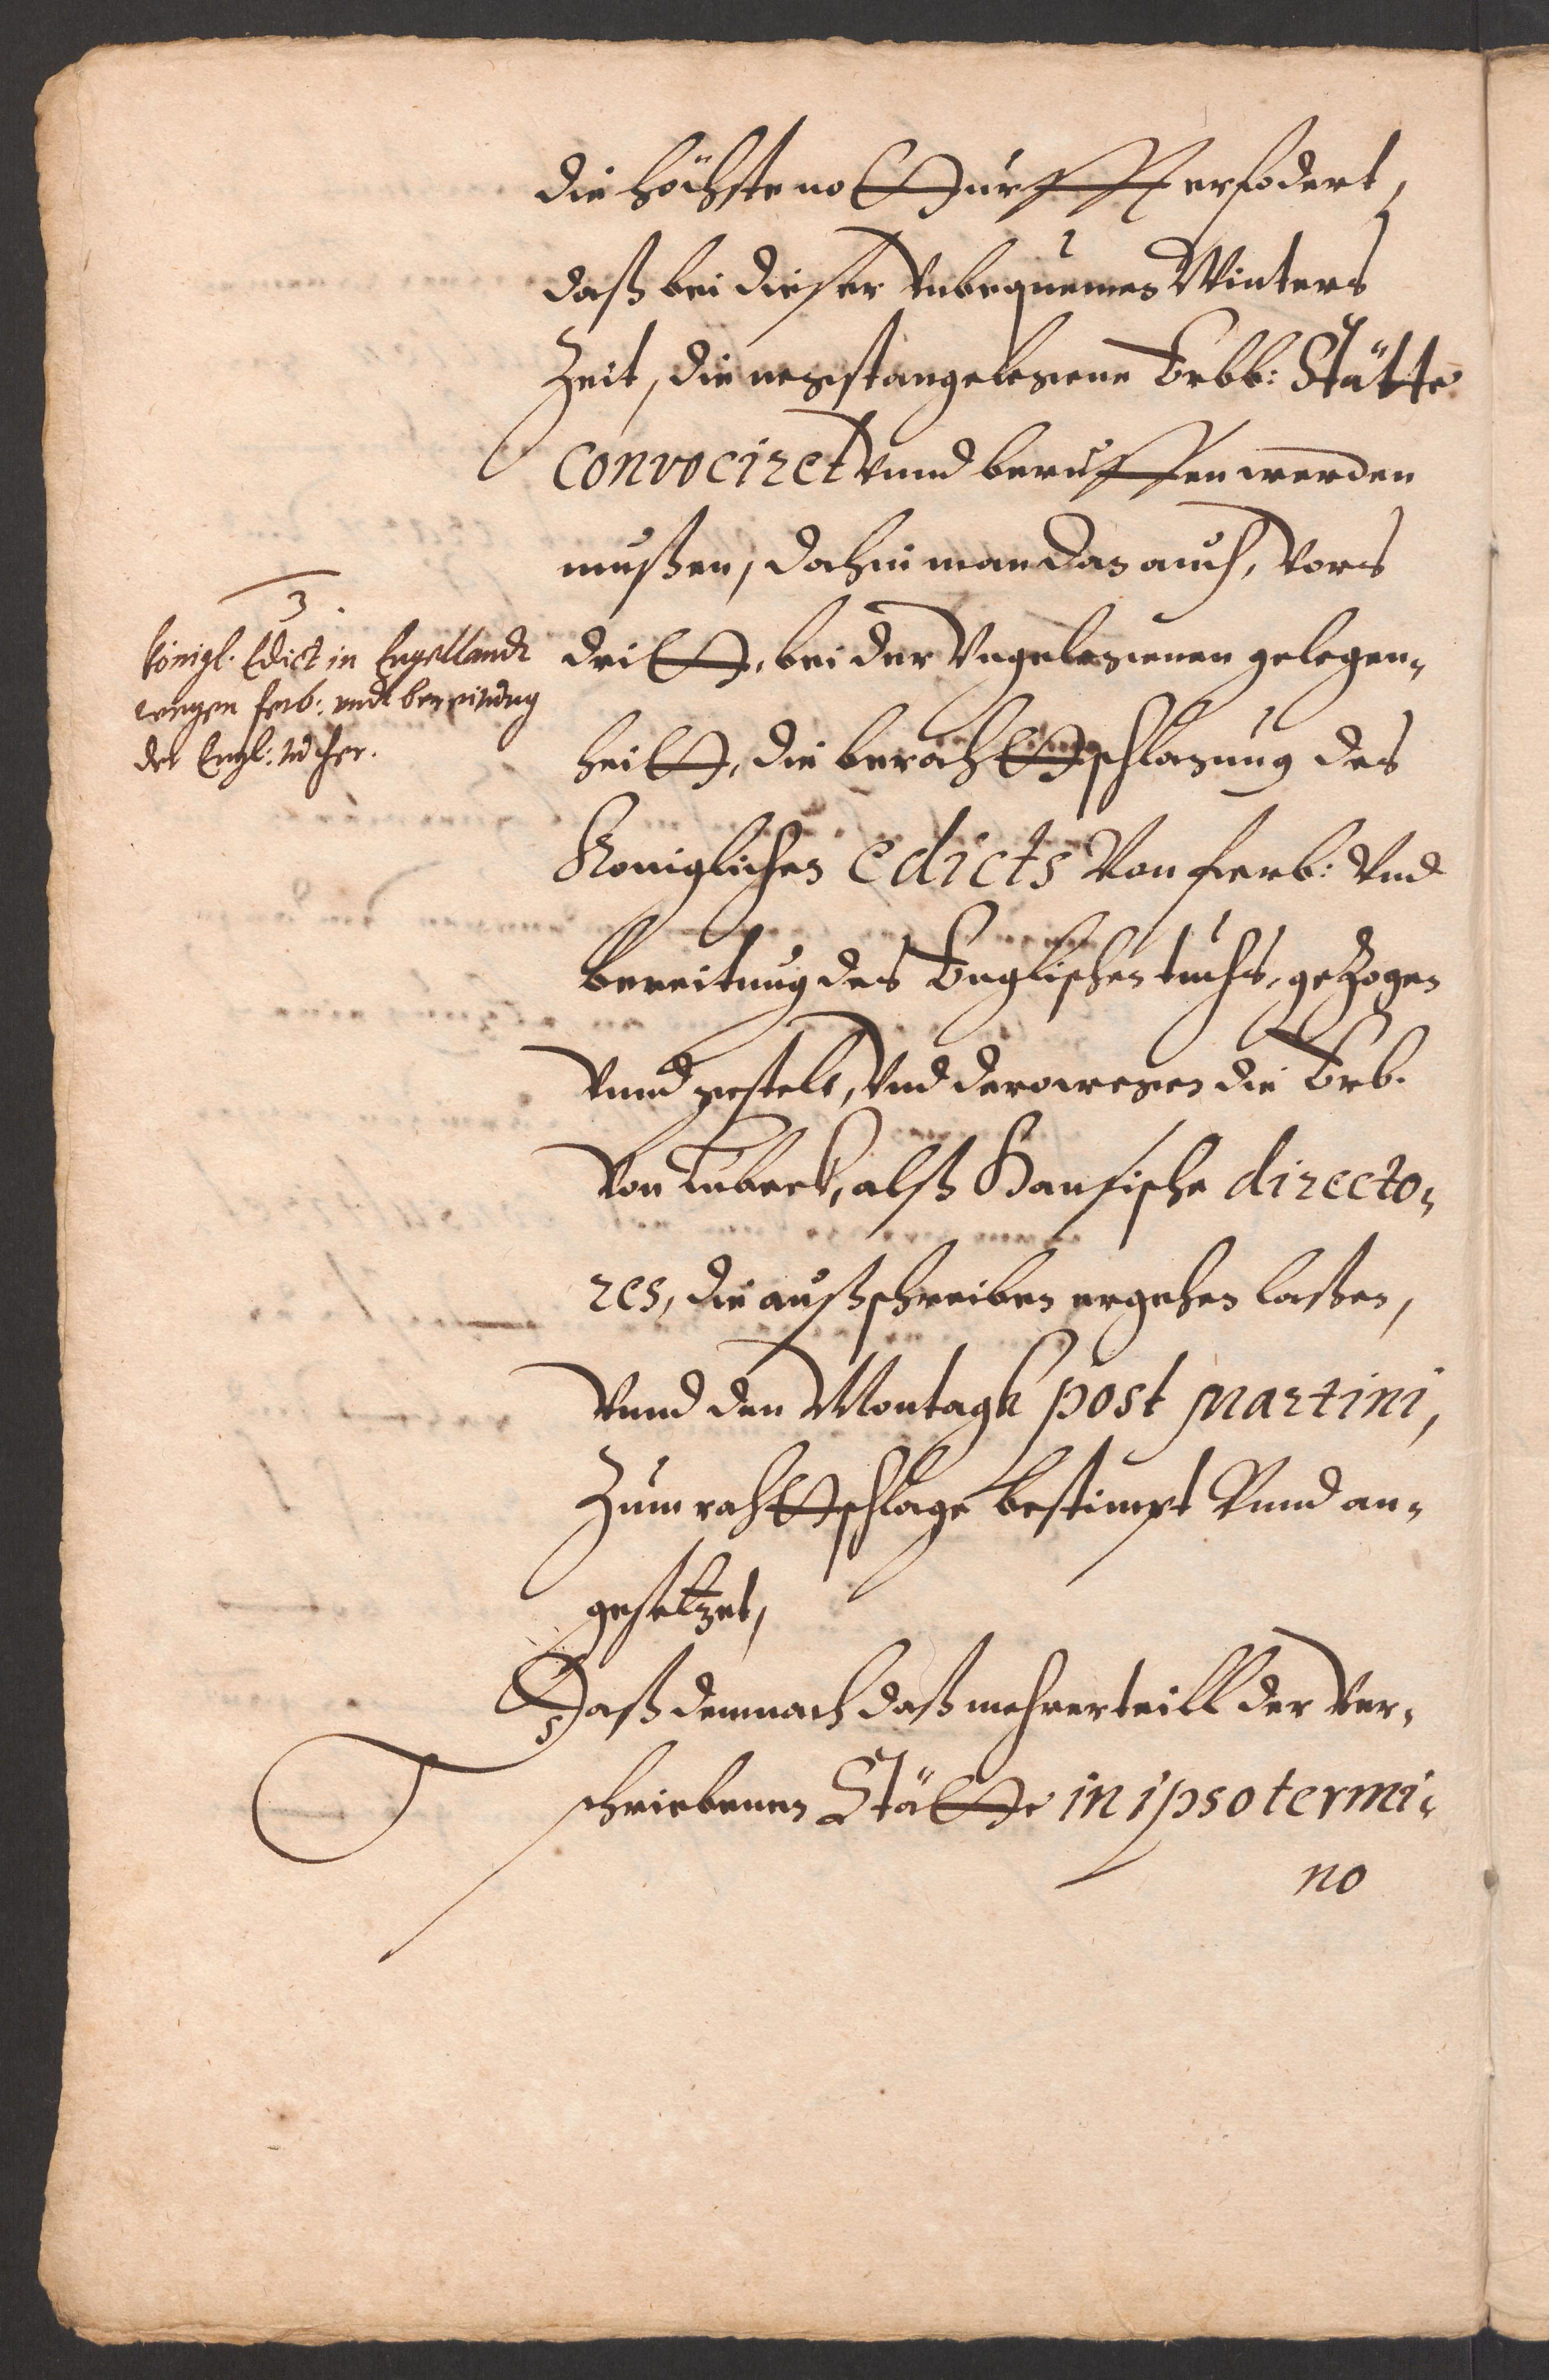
die höchste notturfft erfodert,
daß bei dieser vnbequemen Winters
zeit, die negstangelegene Erbb: Stätte
convociret vnnd beruffen werden
mußen, dahin man dan auch, vors
dritt, bei der vngelegenen gelegen¬
heitt, die berahttschlagung des
koniglichen edicts von ferb: vnd
bereitung des Englischen tuchs, gezogen
vnnd gestelt, vnd derowegen die Erb.
von Lubeck, als Hansische directo¬
res, die außschreiben ergehen laßen,
vnnd den Montagk post martini,
zum rahttschlage bestimpt vnd an¬
gesetzet,
Daß demnach daß mehrerteill der ver¬
schriebenen Stätte in ipso termi¬
no
3.
königl. Edict in Engellandt
wegen frb: undt bereitung
der Engl: tucher.
